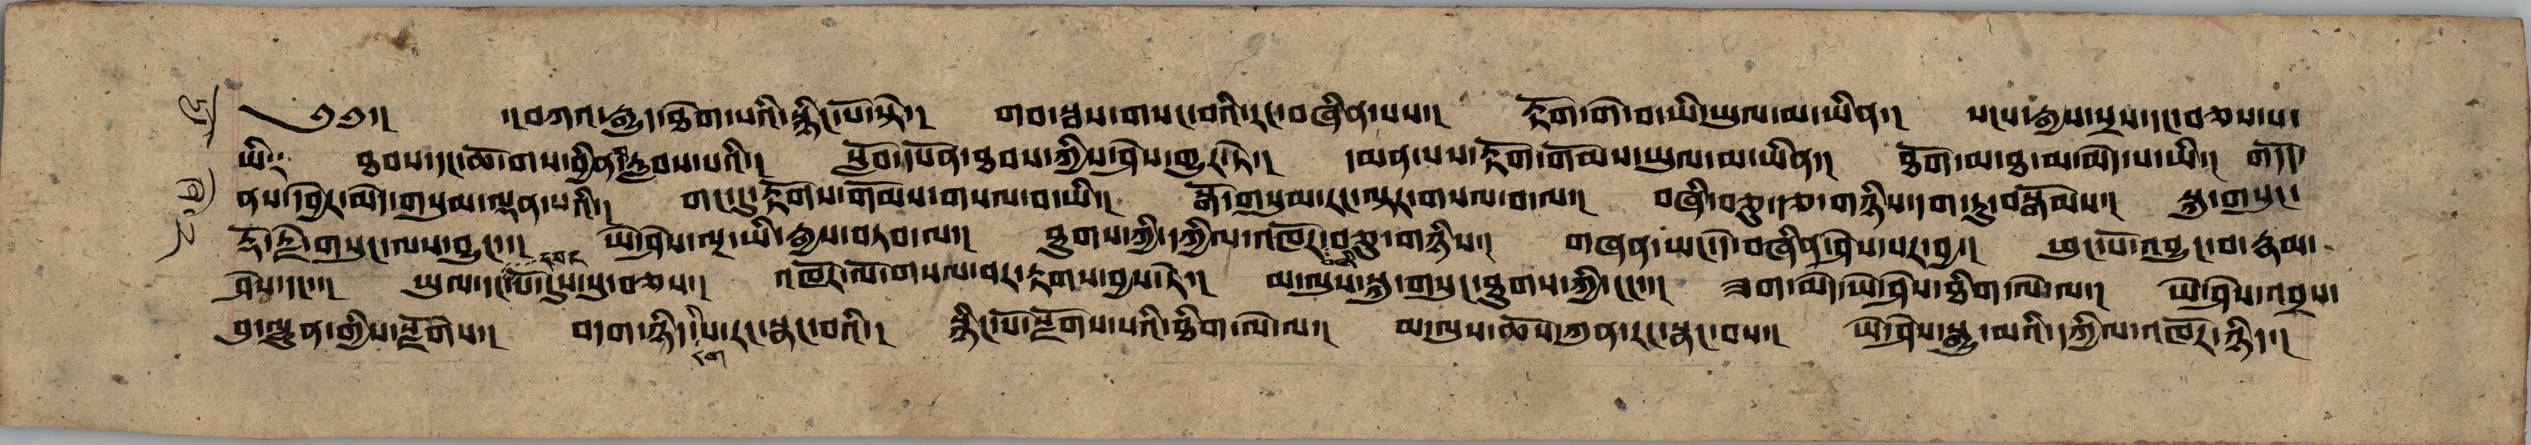༄༅་། ་།བཀའ་རྒྱུད་ཐེག་པའི་སྙིང་པོ་སྟེ་། གབ་སྦས་གསང་བའི་རང་བཞིན་པས་། རྟོག་གེ་བ་ཡི་ཡུལ་མ་ཡིན་། སངས་རྒྱས་སྲས་དང་བཅས་པ་
ཡི༑ ཐབས་དང་ཆོ་གས་བྱིན་བརླབས་པའི་། སློབ་དཔོན་ཐབས་ཀྱིས་ཤེས་གྱུར་ཏེ་། དམན་པས་རྟོག་གོམས་ཡུལ་མ་ཡིན་། ཐོག་མ་ཐ་མ་མེད་པ་ཡི་། གདོད་
ནས་དབྱེར་མེད་གསུམ་ལྡན་པའི་། གང་དུ་རྟོགས་གོམས་གསལ་བ་ཡི་། སྒོ་གསུམ་རང་ལྟར་གསལ་བ་ལ་། བཞི་བཅུ་རྩ་གཉིས་དག་ཏུ་བསྒོམས་། སྐུ་གསུང་
རྡོ་རྗེ་གསུང་ལས་བྱུང་་། ཡེ་ཤེས་ལྔ་ཡི་རྒྱས་བཏབ་ལ་། ཐུགས་ཀྱི་དཀྱིལ་འཁོར་བཞི་བཅུ་གཉིས་། གཞན་ཡང་དེ་བཞིན་ཤེས་པར་བྱ་། ཕུང་པོ་འབྱུང་བ་རྣམ་
ཤེས་དང་་། ཡུལ་དང་པོ་དུས་སུ་བཅས་། འཁོར་ལོ་གསལ་བར་རྟགས་བྱས་ཏེ་། མ་ལུས་སྐུ་གསུང་ཐུགས་ཀྱི་ངང་་། ཟག་མེད་ཡེ་ཤེས་ཐིག་ལེ་ལ་། ཡེ་ཤེས་འབྲས་
བུ་ལྷུན་གྱིས་སྫོགས་། བདག་ཉིད་རིག་པ་རང་སྣང་བའི་། སྙིང་པོ་སྫོགས་པའི་ཐིག་ལེ་ལ་། མ་ལུས་ཆོས་ཀུན་རང་སྣང་བས་། ཡེ་ཤེས་སྒྱུ་མའི་དཀྱིལ་འཁོར་ཉིད་།